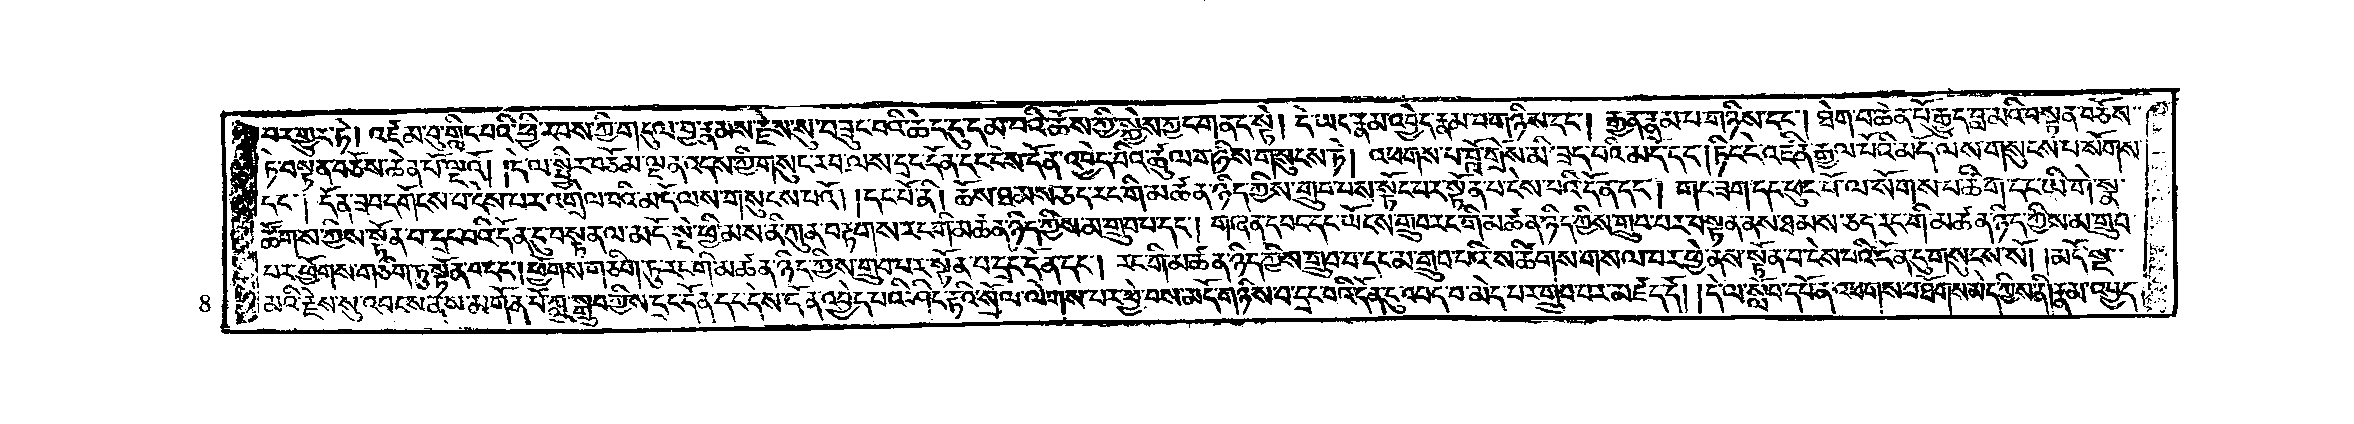བར་གྱུར་ཏེ། འཛམ་བུ་གླིང་པའི་ཕྱི་རབས་ཀྱི་གདུལ་བྱ་རྣམས་རྗེས་སུ་བཟུང་བའི་ཆེད་དུ་དམ་པའི་ཆོས་ཀྱི་སྐྱེས་ཀྱང་གནད་སྟེ། དེ་ཡང་རྣམ་འབྱེད་རྣམ་པ་གཉིས་དང་། རྒྱན་རྣམ་པ་གཉིས་དང་། ཐེག་པ་ཆེན་པོ་རྒྱུད་བླ་མའི་བསྟན་བཅོས་
ཏེ་བསྟན་བཅོས་ཆེན་པོ་ལྔའོ། །དེ་ལ་སྤྱིར་བཅོམ་ལྡན་འདས་ཀྱི་གསུང་རབ་ལས་དྲང་དོན་དང་ངེས་དོན་འབྱེད་པའི་ཚུལ་གཉིས་གསུངས་ཏེ། འཕགས་པ་བློ་གྲོས་མི་ཟད་པའི་མདོ་དང་། ཏིང་ངེ་འཛིན་རྒྱལ་པོའི་མདོ་ལས་གསུངས་པ་སོགས་
དང་། དོན་ཟབ་དགོངས་པ་ངེས་པར་འགྲེལ་བའི་མདོ་ལས་གསུངས་པའོ། །དང་པོ་ནི། ཆོས་ཐམས་ཅད་རང་གི་མཚན་ཉིད་ཀྱིས་གྲུབ་པས་སྟོང་པར་སྟོན་པ་ངེས་པའི་དོན་དང་། གང་ཟག་དང་ཕུང་པོ་ལ་སོགས་པ་ཚིག་དང་ཡི་གེ་སྣ་
ཚོགས་ཀྱིས་སྟོན་པ་དྲང་བའི་དོན་དུ་བསྟན་ལ་མདོ་སྡེ་ཕྱི་མས་ནི་ཀུན་བརྟགས་རང་གི་མཚན་ཉིད་ཀྱིས་མ་གྲུབ་པ་དང་། གཞན་དབང་དང་ཡོངས་གྲུབ་རང་གི་མཚན་ཉིད་ཀྱིས་གྲུབ་པར་བསྟན་ནས་ཐམས་ཅད་རང་གི་མཚན་ཉིད་ཀྱིས་མ་གྲུབ་
པར་ཕྱོགས་གཅིག་ཏུ་སྟོན་པ་དང་། ཕྱོགས་གཅིག་ཏུ་རང་གི་མཚན་ཉིད་ཀྱིས་གྲུབ་པར་སྟོན་པ་དྲང་དོན་དང་། རང་གི་མཚན་ཉིད་ཀྱིས་གྲུབ་པ་དང་མ་གྲུབ་པའི་ས་ཚིགས་གསལ་བར་ཕྱེ་ནས་སྟོན་པ་ངེས་པའི་དོན་དུ་གསུངས་སོ། །མདོ་སྔ་
མའི་རྗེས་སུ་འབངས?་ནས་མགོན་པོ་ཀླུ་སྒྲུབ་ཀྱིས་དྲང་དོན་དང་ངེས་དོན་འབྱེད་པའི་ཤིང་རྟའི་སྲོལ་ལེགས་པར་ཕྱེ་བས་མདོ་གཉིས་པ་དྲང་བའི་དོན་དུ་འབད་པ་མེད་པར་གྲུབ་པར་མཛད་དོ། །དེ་ལ་སློབ་དཔོན་འཕགས་པ་ཐོགས་མེད་ཀྱིས་ནི། རྣམ་འབྱེད་